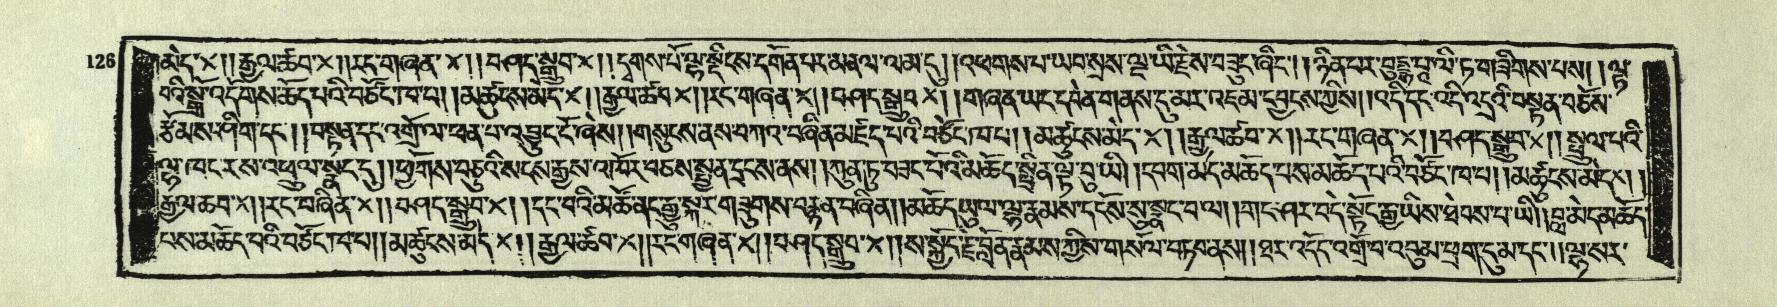མེད་྾། །རྒྱལ་ཚབ་྾། །རང་གཞན་྾། །བཤད་སྒྲུབ་྾། །དྭགས་པོ་ལྷ་སྡིངས་དགོན་པར་མནལ་ལམ་དུ། །འཕགས་པ་ཡབ་སྲས་ལྔ་ཡི་རྗེས་བཟུང་ཞིང་། །ཉིན་པར་བུདྡྷ་པའ་ལི་ཏ་གཟིགས་པས། །ལྟ་
བའི་སྒྲོ་འདོགས་ཆོད་པའི་བཙོང་ཁ་པ། །མཚུངས་མེད་྾། །རྒྱལ་ཚབ་྾། །རང་གཞན་྾། །བཤད་སྒྲུབ་྾། །གཞན་ཡང་དབེན་གནས་དུ་མར་འཇམ་དབྱངས་ཀྱིས། །འདི་དང་འདི་འདྲ་བའི་བསྟན་བཅོས་
རྩོམས་ཤིག་དང་། །བསྟན་དང་འགྲོ་ལ་ཕན་པ་འབྱུང་ངོ་ཞེས། །གསུངས་ནས་བཀའ་བཞིན་མཛད་པའི་བཙོང་ཁ་པ། །མཚུངས་མེད་྾། །རྒྱལ་ཚབ་྾། །རང་གཞན་྾། །བཤད་སྒྲུབ་྾། །སྥྲུལ་པའི་
ལྷ་ཁང་རས་འཕྲུལ་སྣང་དུ། །ཕྱོགས་བཅུའི་སངས་རྒྱས་འཁོར་བཅས་སྤྱན་དྲངས་ནས། །ཀུན་ཏུ་བཟང་པོའི་མཆོད་སྤྲིན་ལྟ་བུ་ཡི། །དཔག་མེད་མཆོད་པས་མཆོད་པའི་བཙོང་ཁ་པ། །མཚུངས་མེད་྾། །
རྒྱལ་ཚབ་྾། །རང་བཞིན་྾། །བཤད་སྒྲུབ་྾། །དང་བའི་མཚོ་ནང་རྒྱུ་སྐར་གཟུགས་བརྙན་བཞིན། །མཆོད་ཡུལ་ལྷ་རྣམས་དངོས་སུ་སྣང་བ་ལ། །གང་ཤར་བདེ་སྟོང་རྒྱ་ཡིས་ཐེབས་པ་ཡི། །བླ་མེད་མཆོད་
པས་མཆོད་པའི་བཙོང་ཁ་པ། །མཚུངས་མེད་྾། །རྒྱལ་ཚབ་྾། །རང་བཞིན་྾། །བཤད་སྒྲུབ་྾། །ས་སྐྱོང་རྗེ་བློན་རྣམས་ཀྱིས་གསོལ་བཏབ་ནས། །ཐར་འདོད་འགྲོ་བ་འབུམ་ཕྲག་དུ་མ་དང་། །ལྷ་སར་